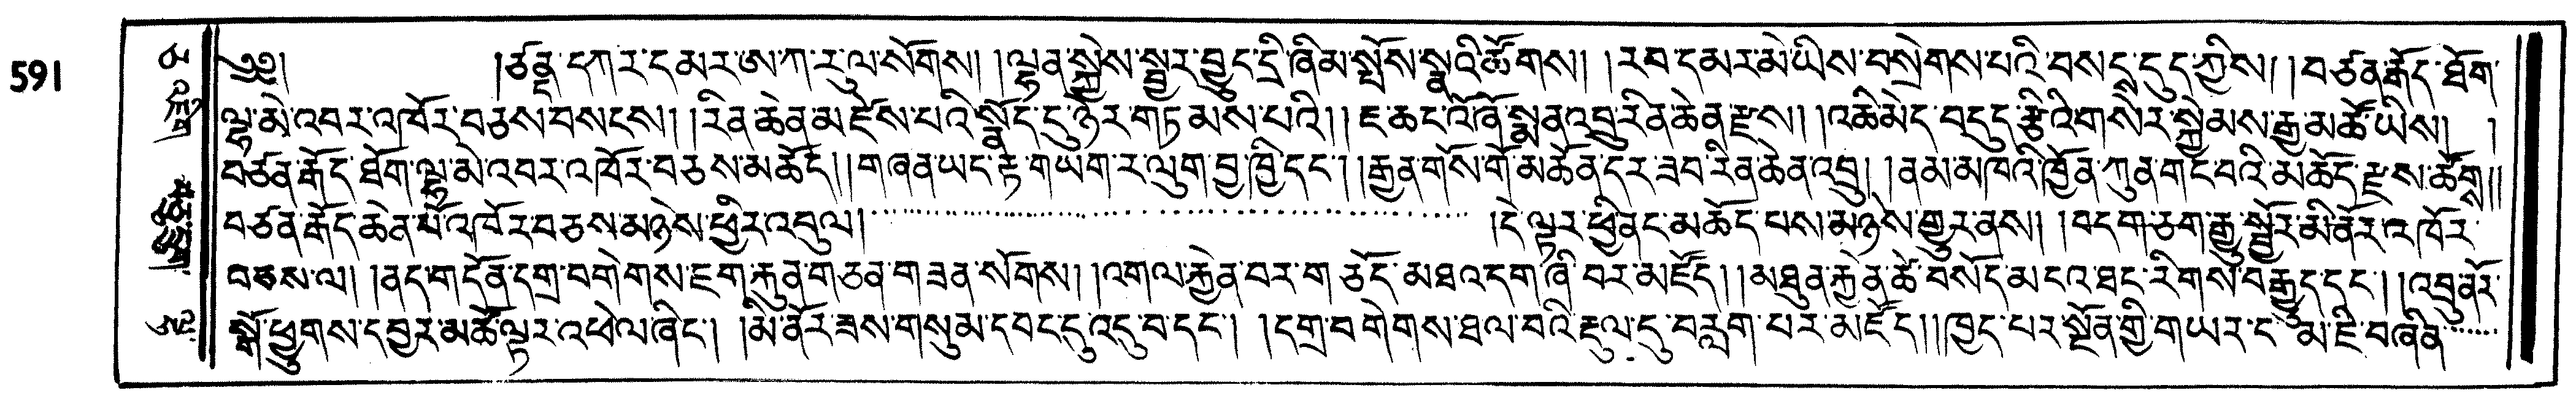༄༅། །ཙནྡ་དཀར་དམར་ཨ་ཀ་རུ་ལ་སོགས། །ལྷན་སྐྱེས་སྦྱར་བྱུང་དྲི་ཞིམ་སྤོས་སྣའི་ཚོགས། །རབ་དམར་མེ་ཡིས་བསྲེགས་པའི་བསངས་དུད་ཀྱིས། །བཙན་རྒོད་ཐོག་
ལྷ་མེ་འབར་འཁོར་བཅས་བསངས། །རིན་ཆེན་མཛེས་པའི་སྣོད་དུ་ཉེར་གཏམས་པའི། །ཇ་ཆང་འོ་ཞོ་སྨན་འབྲུ་རིན་ཆེན་རྫས། །འཆི་མེད་བདུད་རྩིའི་གསེར་སྐྱེམས་རྒྱ་མཚོ་ཡིས། །
བཙན་རྒོད་ཐོག་ལྷ་མེ་འབར་འཁོར་བཅས་མཆོད། །གཞན་ཡང་རྟ་གཡག་ར་ལུག་བྱ་ཁྱི་དང་། །རྒྱན་གོས་གོ་མཚོན་དར་ཟབ་རིན་ཆེན་འབྲུ། །ནམ་མཁའི་ཁྱོན་ཀུན་གང་བའི་མཆོད་རྫས་ཚོགས།།
བཙན་རྒོད་ཆེན་པོ་འཁོར་བཅས་མཉེས་ཕྱིར་འབུལ།་་་་།དེ་ལྟར་ཕྱི་ནང་མཆོད་པས་མཉེས་གྱུར་ནས། །བདག་ཅག་རྒྱུ་སྦྱོར་མི་ནོར་འཁོར་
བཅས་ལ། །ནད་གདོན་དགྲ་བགེགས་ཇག་རྐུན་གཅན་གཟན་སོགས། །འགལ་རྐྱེན་བར་གཅོད་མཐའ་དག་ཞི་བར་མཛོད། །མཐུན་རྐྱེན་ཚེ་བསོད་མངའ་ཐང་རིགས་བརྒྱུད་དང་། །འབྲུ་ནོར་
སྒོ་ཕྱུགས་དབྱར་མཚོ་ལྟར་འཕེལ་ཞིང་། །མི་ནོར་ཟས་གསུམ་དབང་དུ་འདུ་བ་དང་། །དགྲ་བགེགས་ཐལ་བའི་རྡུལ་དུ་བརླག་པར་མཛོད། །ཁྱད་པར་སྔོན་གྱི་གཡར་ང་མ་ཇི་བཞིན་་་